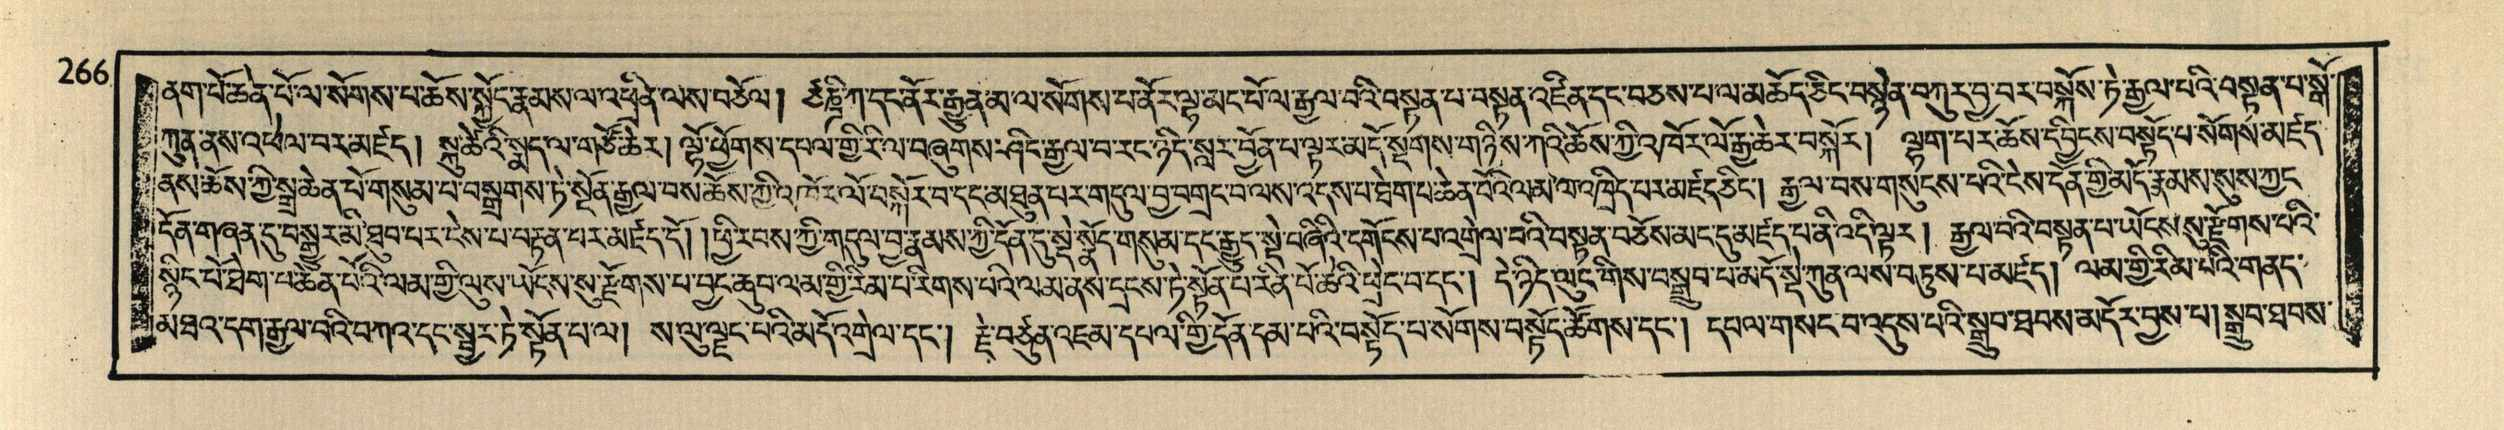ནག་པོ་ཆེན་པོ་ལ་སོགས་པ་ཆོས་སྐྱོང་རྣམས་ལ་འཕྲིན་ལས་བཅོལ། ཙཎྜི་ཀ་དང་ནོར་རྒྱུན་མ་ལ་སོགས་པ་ནོར་ལྷ་མང་པོ་ལ་རྒྱལ་བའི་བསྟན་པ་བསྟན་འཛིན་དང་བཅས་པ་ལ་མཆོད་ཅིང་བསྙེན་བཀུར་བྱ་བར་བསྐོས་ཏེ་རྒྱལ་པའི་བསྟན་པ་སྒོ་
ཀུན་ནས་འཕེལ་བར་མཛད། སྐུ་ཚེའི་སྨད་ལ་གཙོ་ཆེར། ལྷོ་ཕྱོགས་དཔལ་གྱི་རི་ལ་བཞུགས་ཤིང་རྒྱལ་བ་རང་ཉིད་སླར་བྱོན་པ་ལྟར་མདོ་སྔགས་གཉིས་ཀའི་ཆོས་ཀྱི་འཁོར་ལོ་རྒྱ་ཆེར་བསྐོར། ལྷག་པར་ཆོས་དབྱིངས་བསྟོད་པ་སོགས་མཛད་
ནས་ཆོས་ཀྱི་སྒྲ་ཆེན་པོ་གསུམ་པ་བསྒྲགས་ཏེ་སྔོན་རྒྱལ་བས་ཆོས་ཀྱི་འཁོར་ལོ་བསྐོར་བ་དང་མཐུན་པར་གདུལ་བྱ་བགྲང་བ་ལས་འདས་པ་ཐེག་པ་ཆེན་པོའི་ལམ་ལ་འཁྲིད་པར་མཛད་ཅིང་། རྒྱལ་བས་གསུངས་པའི་ངེས་དོན་གྱི་མདོ་རྣམས་སུས་ཀྱང་
དོན་གཞན་དུ་བསྒྱུར་མི་ཐུབ་པར་ངེས་པ་བརྟན་པར་མཛད་དོ། །ཕྱི་རབས་ཀྱི་གདུལ་བྱ་རྣམས་ཀྱི་དོན་དུ་སྡེ་སྣོད་གསུམ་དང་རྒྱུད་སྡེ་བཞིའི་དགོངས་པ་འགྲེལ་བའི་བསྟན་བཅོས་མང་དུ་མཛད་པ་ནི་འདི་ལྟར། རྒྱལ་བའི་བསྟན་པ་ཡོངས་སུ་རྫོགས་པའི་
སྙིང་པོ་ཐེག་པ་ཆེན་པོའི་ལམ་གྱི་ལུས་ཡོངས་སུ་རྫོགས་པ་བྱང་ཆུབ་ལམ་གྱི་རིམ་པ་རིགས་པའི་ལམ་ནས་དྲངས་ཏེ་སྟོན་པ་རིན་པོ་ཆེའི་ཕྲེང་བ་དང་། དེ་ཉིད་ལུང་གིས་བསྒྲུབ་པ་མདོ་སྡེ་ཀུན་ལས་བཏུས་པ་མཛད། ལམ་གྱི་རིམ་པའི་གནད་
མཐའ་དག་རྒྱལ་བའི་བཀའ་དང་སྦྱར་ཏེ་སྟོན་པ་ལ། ས་ལུ་ལྗང་པའི་མདོ་འགྲེལ་དང་། རྗེ་བཙུན་འཇམ་དཔལ་གྱི་དོན་དམ་པའི་བསྟོད་པ་སོགས་བསྟོད་ཚོགས་དང་། དཔལ་གསང་བ་འདུས་པའི་སྒྲུབ་ཐབས་མདོར་བྱས་པ། སྒྲུབ་ཐབས་